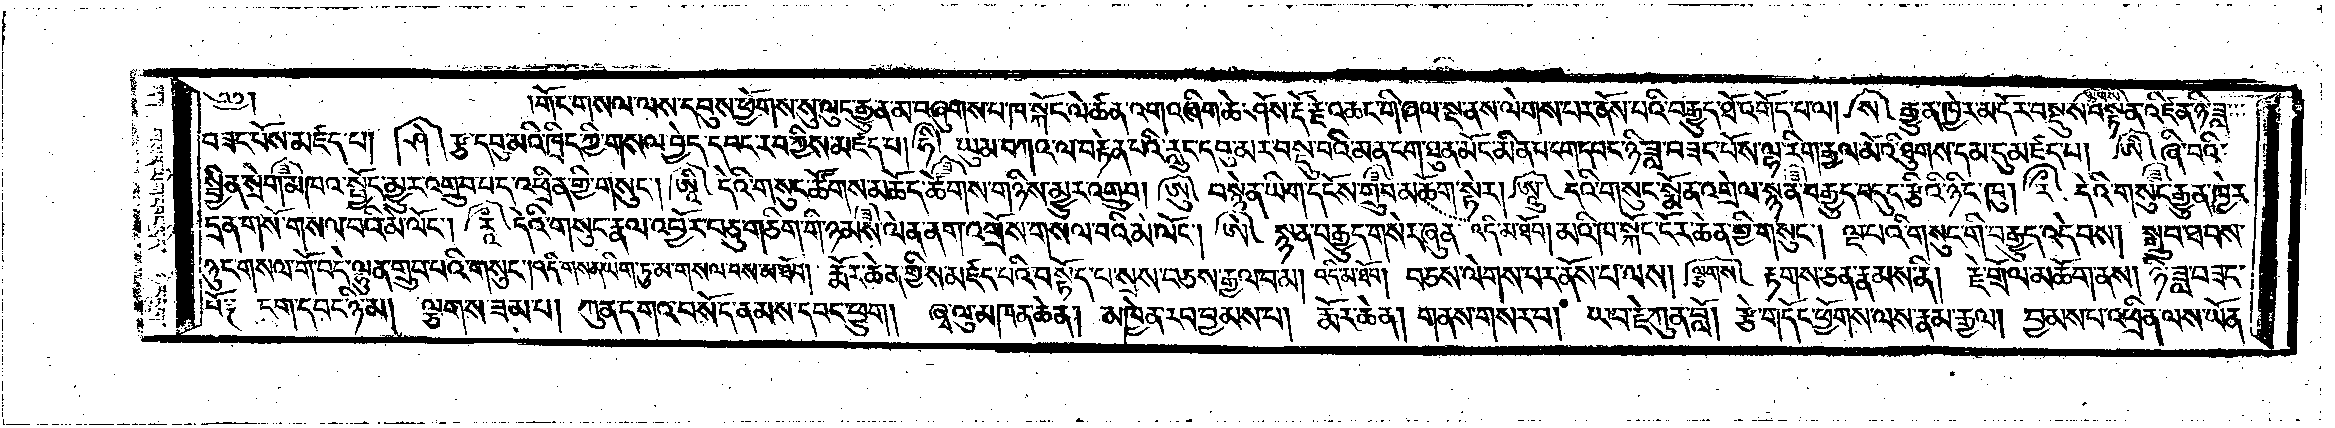༄༅། །གོང་གསལ་ལས་དབུས་ཕྱོགས་སུ་ལུང་རྒྱུན་མ་བཞུགས་པ་ཁ་སྐོང་ལེ་ཚན་འགའ་ཞིག་ཆེ་ཤོས་རྡོ་རྗེ་འཆང་གི་ཞལ་སྔ་ནས་ལེགས་པར་ནོས་པའི་བརྒྱུད་ཐོ་འགོད་པ་ལ། ས྄་རྒྱུན་ཁྱེར་མདོར་བསྡུས་བསྟན་འཛིན་ཉི་ཟླ་
བཟང་པོས་མཛད་པ། ༼ཤ྄ེ་རྩ་དབུ་མའི་ཁྲིད་ཀྱི་གསལ་བྱེད་དབང་རབ་ཀྱིས་མཛད་པ། ༽ཧ྄ི་ཡུམ་བཀའ་ལ་བརྟེན་པའི་རླུང་དབུ་མར་བསྡུ་བའི་མན་ངག་ཐུན་མོང་མིན་པ་ངག་དབང་ཉི་ཟླ་བཟང་པོས་ལྷ་རིག་རྒྱལ་མོའི་ཐུགས་དམ་དུ་མཛད་པ། ཨ྄ི་ཞི་བའི་
སྦྱིན་སྲེག་མཁའ་སྤྱོད་མྱུར་འགྲུབ་པད་འཕྲིན་གྱི་གསུང་། ༼ཨ྄ཱི་དེའི་གསུང་ཚོགས་མཆོད་ཚོགས་གཉིས་མྱུར་འགྲུབ། ༽ཨ྄ུ་བསྙེན་ཡིག་དངོས་གྲུབ་མཆོག་འདི་མ་ཐོབ།  སྟེར། ༼ཨ྄ཱུ་དེའི་གསུང་སྨོན་འགྲེལ་སྙན་བརྒྱུད་བདུད་རྩིའི་ཉིང་ཁུ། ༽ར྄ྀ་དེའི་གསུང་རྒྱུན་ཁྱེར་
དྲན་གསོ་གསལ་བའི་མེ་ལོང་། ༼ར྄ཱྀ་དེའི་གསུང་རྣལ་འབྱོར་བཅུ་གཅིག་གི་ཉམས་ལེན་ནག་འགྲོས་གསལ་བའི་མེ་ལོང་། ༽ཨ྄ེ་སྙན་བརྒྱུད་གསེར་ཞུན་མའི་ཁ་སྐོང་ངོར་ཆེན་གྱི་གསུང་། ལྔ་པའི་གསུང་གི་བརྒྱུད་འདེབས། སྒྲུབ་ཐབས་
ཉུང་གསལ་གོ་བདེ་ལྷུན་གྲུབ་པའི་གསུང་། འདི་གསན་ཡིག་ཏུ་མ་གསལ་བས་མ་ཐོབ།  རྨོར་ཆེན་གྱི་ས་མཛད་པའི་བསྟོད་པ་སྲས་བཅས་རྒྱལ་བ་མ། འདི་མ་ཐོབ། བཅས་ལེགས་པར་ནོས་པ་ལས། ལྕགས྄་རྟགས་ཅན་རྣམས་ནི། རྗེ་གྲོལ་མཆོག་ནས། ཉི་ཟླ་བཟང་
པོ༑ ངག་དབང་ཉི་མ། ལྕགས་ཟམ་པ། ཀུན་དགའ་བསོད་ནམས་དབང་ཕྱུག། ཞྭ་ལུ་མཁན་ཆེན། མཁྱེན་རབ་བྱམས་པ། རྨོར་ཆེན། གནས་གསར་བ། ཡབ་རྗེ་ཀུན་བློ། རྩེ་གདོང་ཕྱོགས་ལས་རྣམ་རྒྱལ། བྱམས་པ་འཕྲིན་ལས་ཡོན་